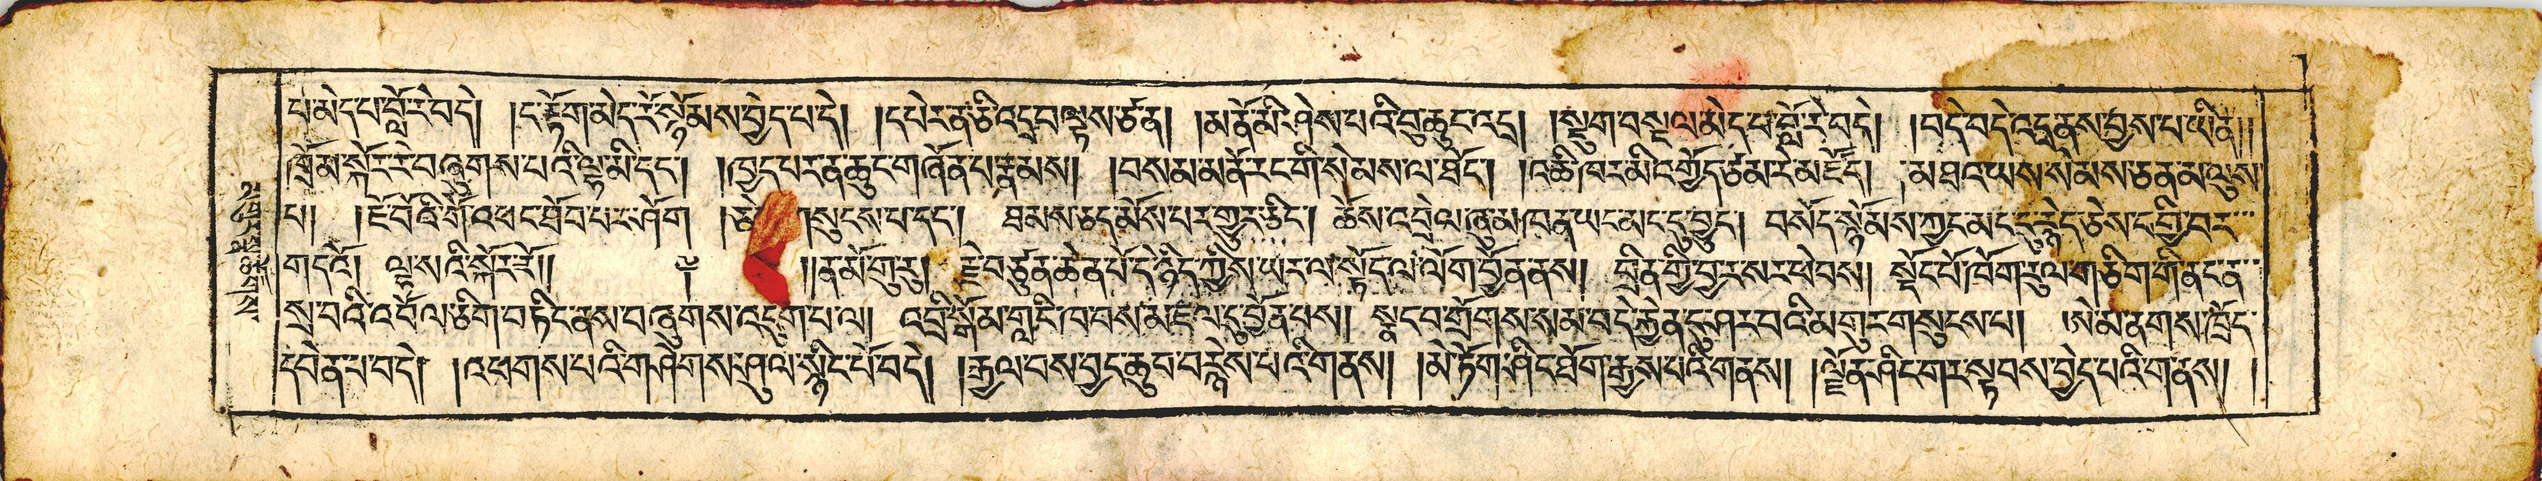པ་མེད་པ་བློ་རེ་བདེ། །ད་རྟོག་མེད་རོ་སྙོམས་བྱེད་པ་དེ། །དཔེར་ན་ཅི་འདྲ་བལྟས་ཅན། །མནོ་མི་ཤེས་པའི་བུ་ཆུང་འདྲ། །སྡུག་བསྔལ་མེད་པ་བློ་རེ་བདེ། །བདེ་བདེ་འདྲ་ནས་བྱས་པ་ཡིན། །
ཁྲོམ་སྐོར་རེ་བཞུགས་པའི་ལྷ་མི་དང་། །ཁྱད་པར་ན་ཆུང་གཞོན་པ་རྣམས། །བསམ་མནོ་རང་གི་སེམས་ལ་ཐོངས། །འཆི་ཁར་མི་འགྱོད་ཙམ་རེ་མཛོད། མཐའ་ཡས་སེམས་ཅན་མ་ལུས་པ། །
ཇོ་བོའི་གོ་འཕང་ཐོབ་པ་བཤོག །ཅེས་གསུངས་པ་དང་། ཐམས་ཅད་མམོས་པར་གྱུར་ཅིང་། ཆོས་འབྲེལ་ཞུ་མཁན་ཡང་མང་དུ་བྱུང་། བསོད་སྙོམས་ཀྱང་མང་དུ་རྙེད་ཅེས་བགྱི་བར་
གདའོ། །ལྷ་སའི་སྐོར་རོ། །ན་མོ་གུ་རུ། རྗེ་བཙུན་ཆེན་པོ་དེ་ཉིད་ཀྱིས་ཡར་ལ་སྟོད་ལ་ལོག་བྱོན་ནས། སྲིན་གྱི་བྱ་ར་སར་ཕེབས། སྡོང་པོ་ཁོག་རུལ་གཅིག་གི་ནང་ན་
སྲ་བའི་འབོལ་ཅིག་བཏིང་ནས་བཞུགས་འདུག་པ་ལ། འབྲི་སྒོམ་གླིང་ཁ་བས་མཇལ་དུ་བྱོན་པས། སྣང་བ་གྲོགས་སམ་བདེ་རྐྱེན་དུཤར་བའི་མགུར་གསུངས་པ། ཨེ་མ་ནགས་ཁྲོད་
དབེན་པ་བདེ། །འཕགས་པའི་གཤེགས་ཤུལ་སྙིང་པོ་བདེ། །རྒྱལ་བས་བྱང་ཆུབ་བརྙེས་པའི་གནས། །མེ་ཏོག་ཤིང་ཐོག་རྒྱས་པ་གནས། །ལྗོན་ཤིང་གར་སྟབས་བྱེད་པའི་གནས། །